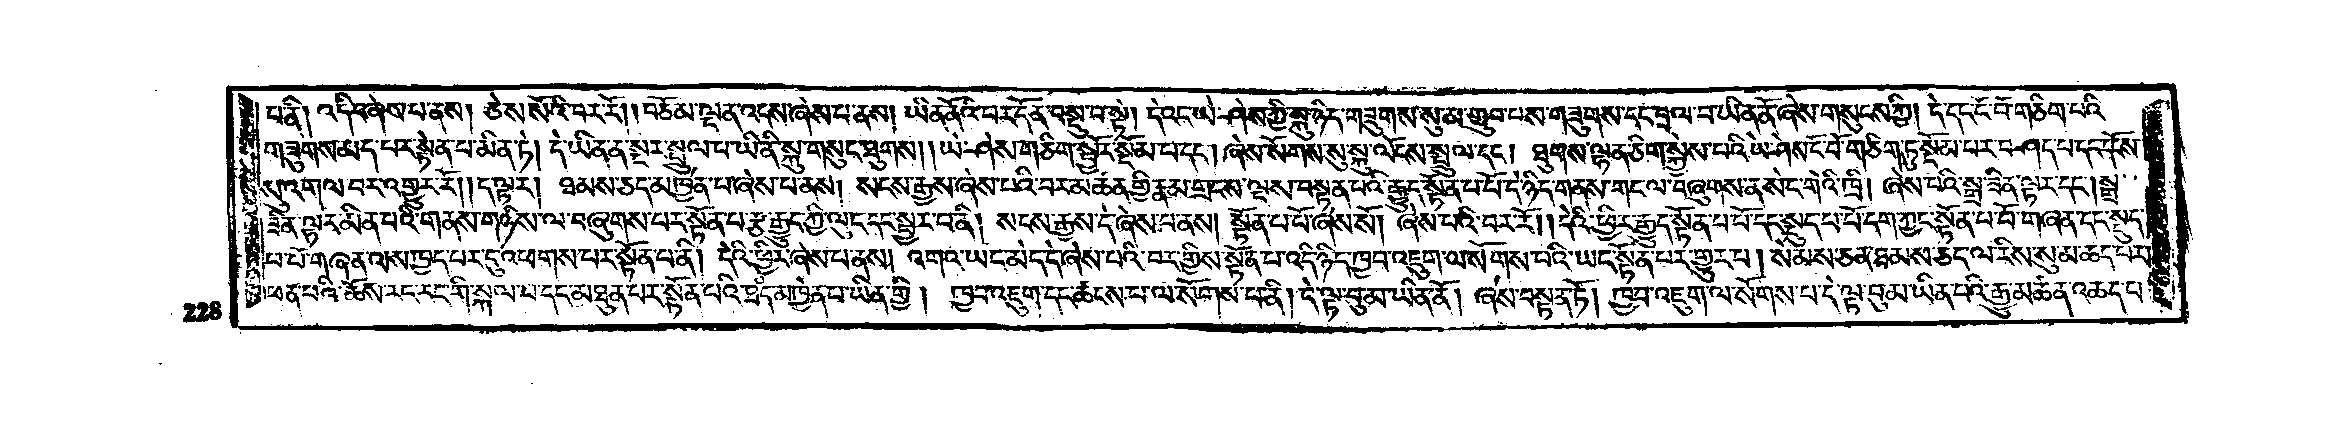བ་ནི། འདིར་ཞེས་པ་ནས། ཅེས་སོའི་བར་རོ། །བཅོམ་ལྡན་འདས་ཞེས་པ་ནས། ཡིན་ནོའི་བར་དོན་བསྡུ་བ་སྟེ། དེའང་ཡེ་ཤེས་ཀྱི་སྐུ་ཉིད་གཟུགས་སུ་མ་གྲུབ་པས་གཟུགས་དང་བྲལ་བ་ཡིན་ནོ་ཞེས་གསུངས་ཀྱི། དེ་དང་ངོ་བོ་གཅིག་པའི་
གཟུགས་མེད་པར་སྟེན་པ་མིན་ཏེ། དེ་ཡིན་ན་སྔར་སྤྲུལ་པ་ཡི་ནི་སྐུ་གསུང་ཐུགས། །ཡེ་ཤེས་གཅིག་སྦྱོར་སྡོམ་པ་དང་།ཞེས་སོགས་སུ་སྐུ་ལོངས་སྤྲུལ་དང་།ཐུགས་ལྷན་ཅིག་སྐྱེས་པའི་ཡེ་ཤེས་ངོ་བོ་གཅིག་ཏུ་སྡོམ་པར་བཤད་པ་དང་དངོས་
སུ་འགལ་བར་འགྱུར་རོ། །དེ་ལྟར། ཐམས་ཅད་མཁྱེན་པ་ཞེས་པ་ནས། སངས་རྒྱས་ཞེས་པའི་བར་མཚན་གྱི་རྣམ་གྲངས་ལྔས་བསྟན་པའི་རྒྱུད་སྟོན་པ་པོ་དེ་ཉིད་གནས་གང་ལ་བཞུགས་ན་སེང་གེའི་ཁྲི། ཞེས་པའི་སྒྲ་ཟིན་ལྟར་དང་།སྒྲ་
ཟིན་ལྟར་མིན་པའི་གནས་གཉིས་ལ་བཞུགས་པར་སྟོན་པ་རྩ་རྒྱུད་ཀྱི་ལུང་དང་སྦྱར་པ་ནི། སངས་རྒྱས་དེ་ཞེས་པ་ནས། སྟོན་པ་པོ་ཞེས་སོ། ཞེས་པའི་བར་རོ། །དེའི་ཕྱིར་རྒྱུད་སྟོན་པ་པོ་དང་སྡུད་པ་པོ་དག་ཀྱང་སྟོན་པ་པོ་གཞན་དང་སྡུད་
པ་པོ་གཞན་ལས་ཁྱད་པར་དུ་འཕགས་པར་སྟོན་པ་ནི། དེའི་ཕྱིར་ཞེས་པ་ནས། འགའ་ཡང་མེད་དེ་ཞེས་པའི་བར་གྱིས་སྟོན་པ་འདི་ཉིད་ཁྱབ་འཇུག་ལ་སོགས་པའི་ཡང་སྟོན་པར་གྱུར་པ། སེམས་ཅན་ཐམས་ཅད་ལ་རིས་སུ་མ་ཆད་པར་
ཕན་པའི་ཆོས་རང་རང་གི་སྐལ་པ་དང་མཐུན་པར་སྟོན་པའི་ཐམས་ཅད་མཁྱེན་པ་ཡིན་གྱི། ཁྱབ་འཇུག་དང་ཚངས་པ་ལ་སོགས་པ་ནི། དེ་ལྟ་བུ་མ་ཡིན་ནོ། ཞེས་བསྟན་ཏོ། ཁྱབ་འཇུག་ལ་སོགས་པ་དེ་ལྟ་བུ་མ་ཡིན་པའི་རྒྱུ་མཚན་འཆད་པ་